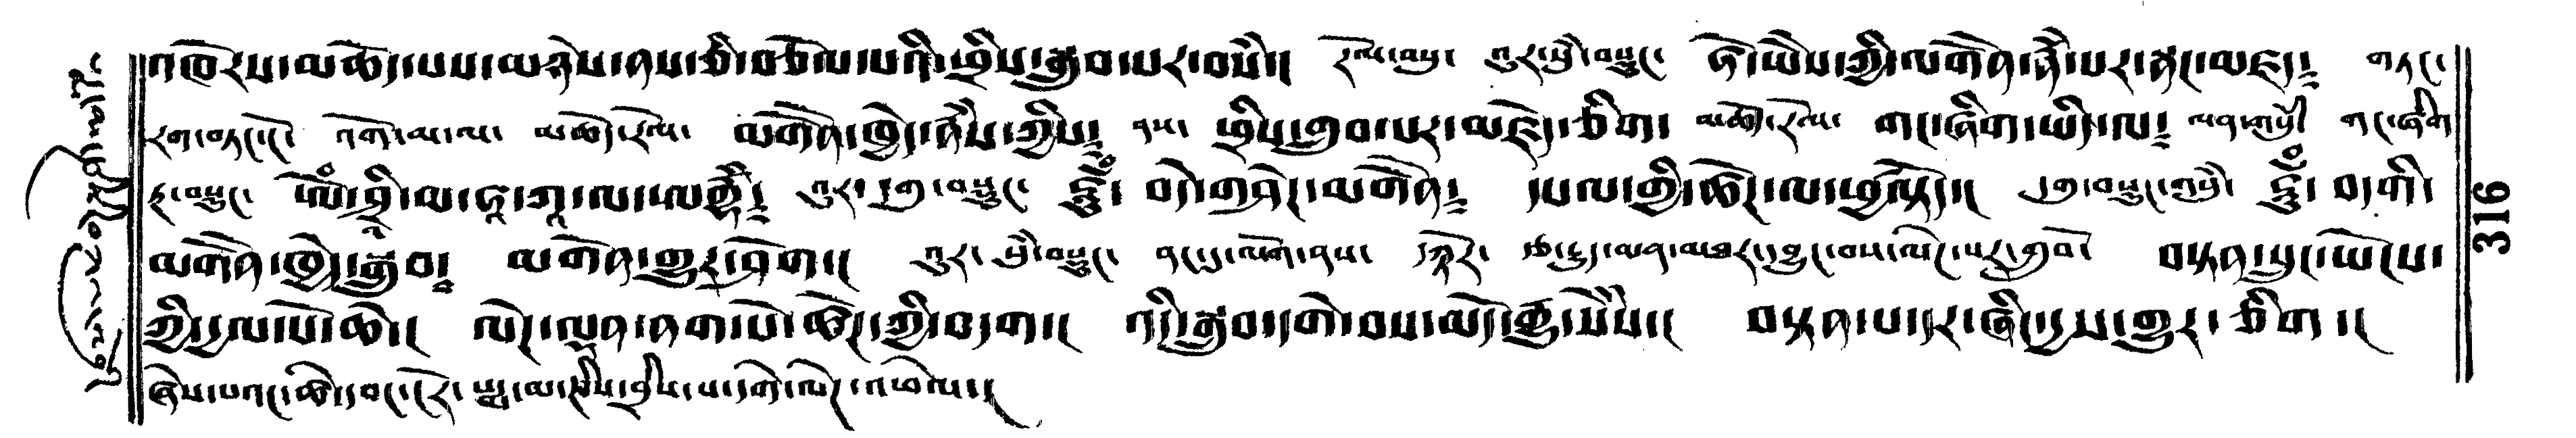འཁོར་བཅས་མཆོད་པས་མཉེས་ནས་ཅི་བཅོལ་པའི་ཕྲིན་ལས་སྒྲུབས་པར་བསམ། རོལ་བསུ། འུར་སུམ་རྡུང་། ཧོ། ཡེ་ཤེས་ཀྱི་མགོན་པོ་རྣམ་པར་སྣང་མཛད༴ གཏང་
རག་བཏང་ངོ་། འོག་མ་ལ་མཆོད་རོལ། མགོན་པོ་ཁྱེད་རྣམས་ཀྱིས༴ ནས། ཕྲིན་ལས་གྲུབ་པར་མཛོད་ཅིག མཆོད་རོལ། གང་ཞིག་ཡིད་ལ༴ ལན་གསུམ། གང་ཞིག༴ 
རྔ་རྡུང་། ཨོཾ་ཤྲཱི་མ་ཧཱ་ཀཱ་ལ་ཨརྒྷཾ༴ འུར་དགུ་རྡུང་། ཧཱུྃ། བདེ་གཤེགས་མགོན་པོ༴ དཔལ་གྱི་ཚོགས་ལ་ཕྱག་འཚལ་བསྟོད། དགུ་རྡུང་གསུམ། ཧཱུྃ། བདག་གིས་
མགོན་པོ་ཁྱེད་བསྒྲུབ༴ མགོན་གྱུར་ཤོག འུར་སུམ་རྡུང་། ནང་དུ་ལོག་ནས། དཀར་གཏོར་རྩ་རྒྱུད་མན་མཐར་དབྱུང་བས་ལེགས་པར་གྲུབ་བོ།། བསྟན་སྲུང་ཡོངས་
ཀྱི་རྒྱལ་པོ་ཆེ། །ལེགས་ལྡན་ནག་པོ་ཚོགས་ཀྱི་བདག །འདི་བསྒྲུབས་དགེ་བས་མདོ་སྒྱུ་སེམས། །བསྟན་པ་དར་ཞིང་རྒྱས་གྱུར་ཅིག 
ཞེས་པའང་ཚེ་དབང་ངོར་པདྨ་མ་ཎིས་བྲིས་པ་དགེ་ལེགས་འཕེལ།། མངྒ་ལམ།།